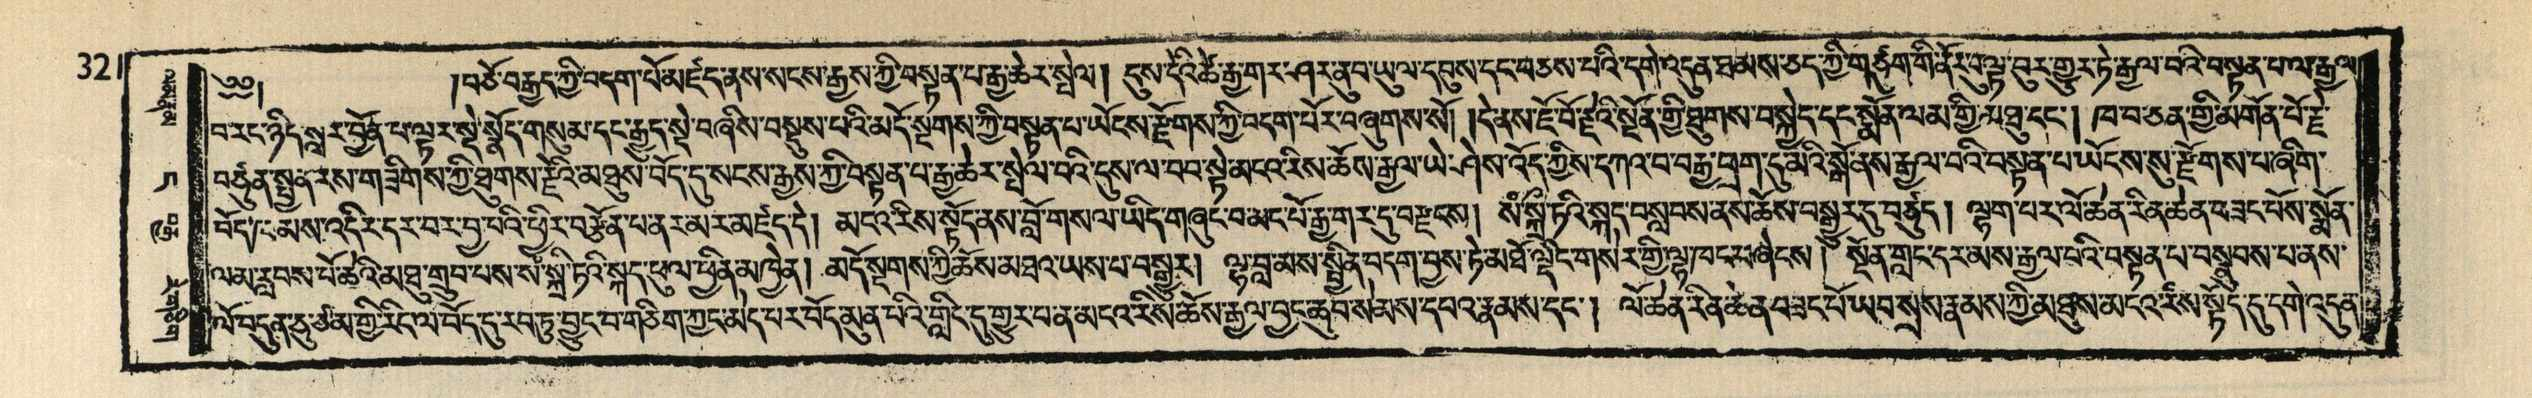༄༅། །བཅོ་བརྒྱད་ཀྱི་བདག་པོ་མཛད་ནས་སངས་རྒྱས་ཀྱི་བསྟན་པ་རྒྱ་ཆེར་སྤེལ། དུས་དེའི་ཚེ་རྒྱ་གར་ཤར་ནུབ་ཡུལ་དབུས་དང་བཅས་པའི་དགེ་འདུན་ཐམས་ཅད་ཀྱི་གཙུག་གི་ནོར་བུ་ལྟ་བུར་གྱུར་ཏེ་རྒྱལ་བའི་བསྟན་པ་ལ་རྒྱལ་
བ་རང་ཉིད་སླར་བྱོན་པ་ལྟར་སྡེ་སྣོད་གསུམ་དང་རྒྱུད་སྡེ་བཞིས་བསྡུས་པའི་མདོ་སྔགས་ཀྱི་བསྟན་པ་ཡོངས་རྫོགས་ཀྱི་བདག་པོར་བཞུགས་སོ། །དེ་ནས་ཇོ་བོ་རྗེའི་སྔོན་གྱི་ཐུགས་བསྐྱེད་དང་སྨོན་ལམ་གྱི་མཐུ་དང་། ཁ་བ་ཅན་གྱི་མགོན་པོ་རྗེ་
བཙུན་སྤྱན་རས་གཟིགས་ཀྱི་ཐུགས་རྗེའི་མཐུས་བོད་དུ་སངས་རྒྱས་ཀྱི་བསྟན་པ་རྒྱ་ཆེར་སྤེལ་བའི་དུས་ལ་བབ་སྟེ་མངའ་རིས་ཆོས་རྒྱལ་ཡེ་ཤེས་འོད་ཀྱིས་དཀའ་བ་བརྒྱ་ཕྲག་དུ་མའི་སྒོ་ནས་རྒྱལ་བའི་བསྟན་པ་ཡོངས་སུ་རྫོགས་པ་ཞིག་
བོད་ཁམས་འདིར་དར་བར་བྱ་པའི་ཕྱིར་བརྩོན་པ་ནར་མར་མཛད་དེ། མངའ་རིས་སྟོད་ནས་བློ་གསལ་ཡིད་གཞུང་བ་མང་པོ་རྒྱ་གར་དུ་བརྫངས། སཾ་སྐྲྀ་ཏའི་སྐད་བསླབས་ནས་ཆོས་བསྒྱུར་དུ་བཙུད། ལྷག་པར་ལོ་ཆེན་རིན་ཆེན་བཟང་པོས་སྨོན་
ལམ་རླབས་པོ་ཆེའི་མཐུ་གྲུབ་པས་སཾ་སྐྲི་ཏའི་སྐད་ཕུལ་ཕྱིན་མཁྱེན། མདོ་སྔགས་ཀྱི་ཆོས་མཐའ་ཡས་པ་བསྒྱུར། ལྷ་བླ་མས་སྦྱིན་བདག་བྱས་ཏེ་མཐོ་ལྡིང་གསེར་གྱི་ལྷ་ཁང་པ་ཞེངས། སྔོན་གླང་དར་མས་རྒྱལ་བའི་བསྟན་པ་བསྣུབས་པ་ནས་
ལོ་བདུན་ཅུ་ཙམ་གྱི་རིང་ལ་བོད་དུ་རབ་ཏུ་བྱུང་བ་གཅིག་ཀྱང་མེད་པར་བོད་མུན་པའི་གླིང་དུ་གྱུར་པ་ན་མངའ་རིས་ཆོས་རྒྱལ་བྱང་ཆུབ་སེམས་དཔའ་རྣམས་དང་། ལོ་ཆེན་རིན་ཆེན་བཟང་པོ་ཡབ་སྲས་རྣམས་ཀྱི་མཐུས་མངའ་རིས་སྟོད་དུ་དགེ་འདུན་